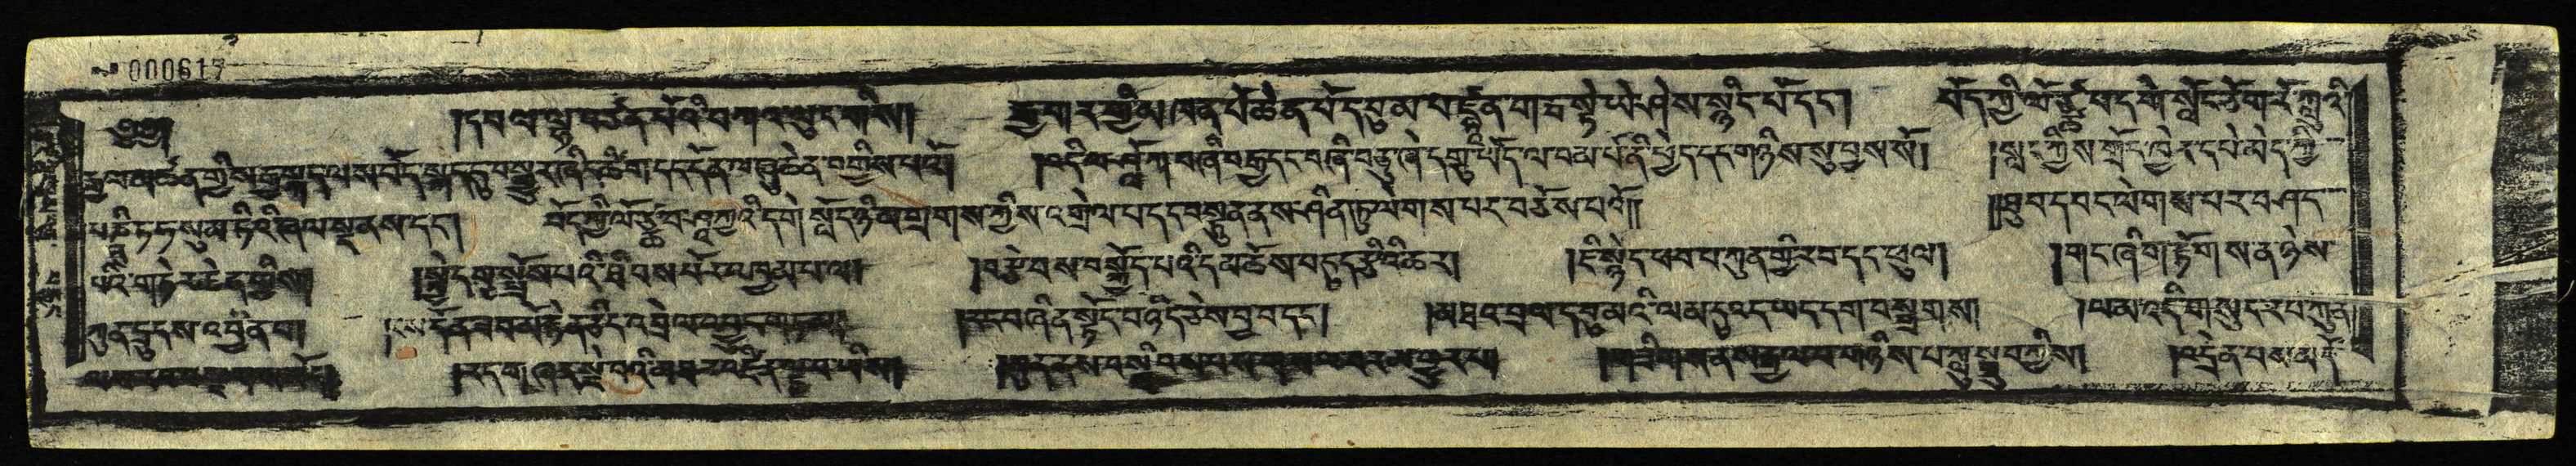༄༅། །དཔལ་ལྷ་བཙན་པོའི་བཀའ་ལུང་གིས། རྒྱ་གར་གྱི་མཁན་པོ་ཆེན་པོ་དབུ་མ་པ་ཛྙཱ་ན་གརྦ་སྟེ་ཡེ་ཤེས་སྙིང་པོ་དང་། བོད་ཀྱི་ལོ་ཙྪ་བ་དགེ་སློང་ཅོག་རོ་ཀླུའི་
རྒྱལ་མཚན་གྱིས་རྒྱ་སྐད་ལས་བོད་སྐད་དུ་བསྒྱུར་ཞིང་ཚིག་དང་དོན་ལ་ཞུ་ཆེན་བགྱིས་པའོ། །འདི་ལ་ཤློ་ཀ་བཞི་བརྒྱ་དང་བཞི་བཅུ་ཞེ་དགུའི་ཡོད་པ་བམ་པོ་ནི་ཕྱེད་དང་གཉིས་སུ་བྱས་སོ། །སླད་ཀྱིས་གྲོང་ཁྱེར་དཔེ་མེད་ཀྱི་
པཎྜི་ཏ་ཧ་སུམ་ཏིའི་ཞལ་སྔ་ནས་དང་། བོད་ཀྱི་ལོཙྪ་བ་ཤཱཀྱའི་དགེ་སློང་ཉི་མ་གྲགས་ཀྱིས་འགྲེལ་པ་དང་བསྟུན་ནས་ཤིན་ཏུ་ལེགས་པར་བཅོས་པའོ།། །།ཐུབ་དབང་ལེགས་པར་བཤད་
པའི་གཏེར་ཆེན་གྱིས། །སྐྱེ་དགུ་སྤྲོས་པའི་ཐིབས་པོར་འཁྱམ་པ་ལ། །བརྩེ་བས་བསྐྱོད་པའི་དམ་ཆོས་བདུད་རྩིའི་ཆར། །ཇི་སྙེད་ཕབ་པ་ཀུན་གྱི་རབ་དང་ཕུལ། །གང་ཞིག་རྟོགས་ན་ཉེས་
ཀུན་དྲུངས་འབྱིན་པ། །དུད་དོན་ཟབ་མོ་རྟེན་ཅིང་འབྲེལ་འབྱུང་གཏམ། །རང་བཞིན་སྟོང་བ་ཉིད་ཅེས་བྱ་བ་དང་། །མཐའ་བྲལ་དབུ་མའི་ལམ་དུའང་ཡང་དག་བསྒྲགས། །ལམ་འདི་གསུང་རབ་ཀུན་
ལས་རབ་བསྔགས་ཡོད། །རང་གཞན་སྡེ་བའི་མཐར་འཛིན་ལྟ་བ་ཡིས། །ཀུན་ནས་བསྡིབ་བསགས་འབར་མ་གྱུར་པ། །གཟིགས་ནས་རྒྱལ་བ་གཉིས་པ་ཀླུ་སྒྲུབ་ཀྱིས། །འདྲེན་པས་མདོ་